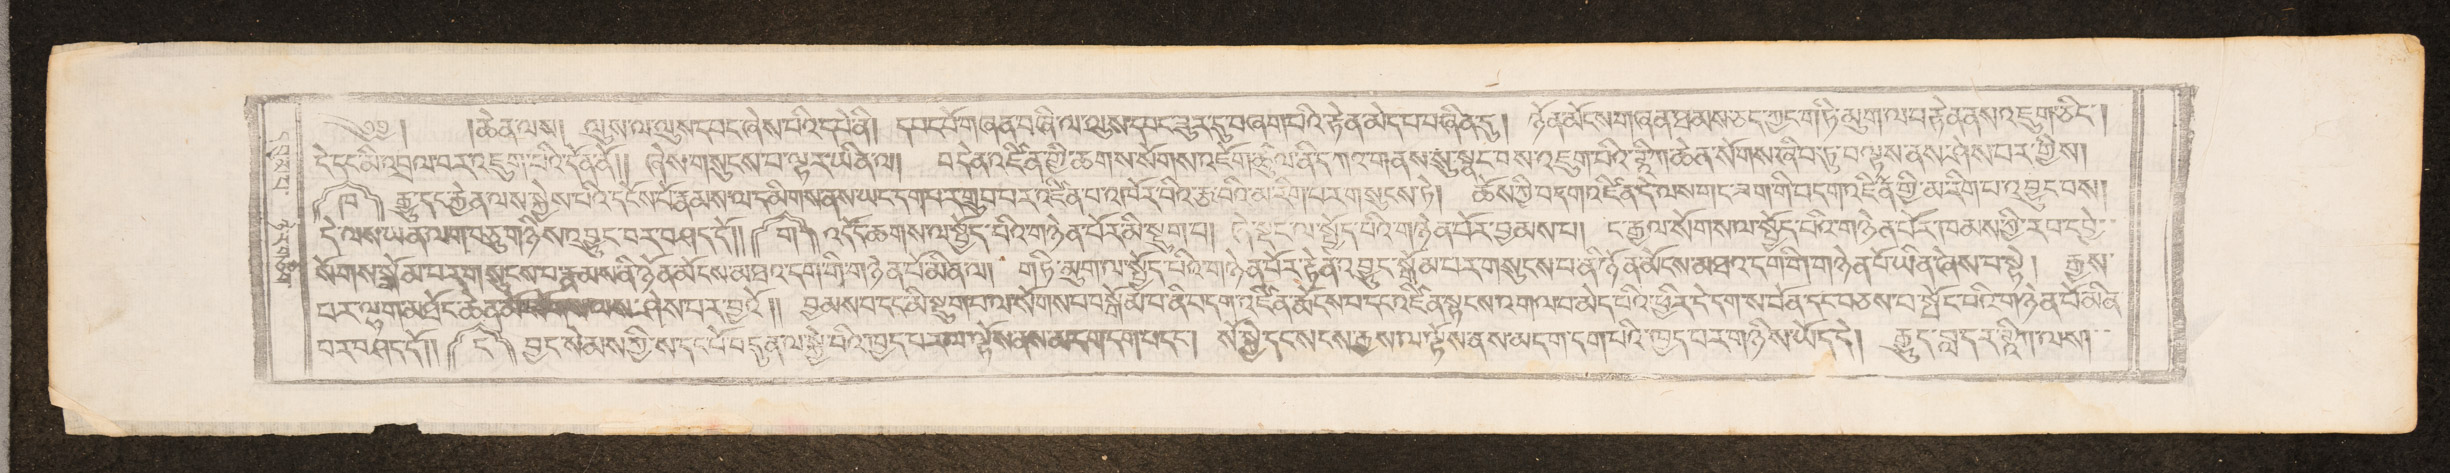༄༅། །ཆེན་ལས། ལུས་ལ་ལུས་དབང་ཞེས་པའི་དཔེ་ནི། དབང་པོ་གཞན་བཞི་ལ་ལུས་དབང་ཟུར་དུ་བཞག་པའི་རྟེན་མེད་པ་བཞིན་དུ། ཉོན་མོངས་གཞན་ཐམས་ཅད་ཀྱང་གཏི་མུག་ལ་བརྟེན་ནས་འཇུག་ཅིང་།
དེ་དང་མི་འབྲལ་བར་འཇུག་པའི་དོན་ནོ།། ཞེས་གསུངས་པ་ལྟར་ཡིན་ལ། བདེན་འཛིན་གྱི་ཆགས་སོགས་འཇོག་ཚུལ་ནི་དཀའ་གནས་སུ་སྣང་བས་འཇུག་པའི་ཊཱིཀ་ཆེན་སོགས་ཞིབ་ཏུ་བལྟས་ནས་ཤེས་པར་གྱིས།
༼༽ཁ༼༽ རྒྱུ་དང་རྐྱེན་ལས་སྐྱེས་པའི་དངོས་པོ་རྣམས་ལ་དམིགས་ནས་ཡང་དག་པར་གྲུབ་པར་འཛིན་པ་འཁོར་བའི་རྩ་བའི་མ་རིག་པར་གསུངས་ཏེ། ཆོས་ཀྱི་བདག་འཛིན་དེ་ལས་གང་ཟག་གི་བདག་འཛིན་གྱི་མ་རིག་པ་འབྱུང་བས།
དེ་ལས་ཡན་ལག་བཅུ་གཉིས་འབྱུང་བར་བཤད་དོ།། ༼༽ག༼༽ འདོད་ཆགས་ལ་སྤྱོད་པའི་གཉེན་པོར་མི་སྡུག་པ། ཞེ་སྡང་ལ་སྤྱོད་པའི་གཉེན་པོར་བྱམས་པ། ང་རྒྱལ་སོགས་ལ་སྤྱོད་པའི་གཉེན་པོར་ཁམས་ཀྱི་རབ་དབྱེ་
སོགས་སྒོམ་པར་གསུངས་པ་རྣམས་ནི་ཉོན་མོངས་མཐའ་དག་གི་གཉེན་པོ་མིན་ལ། གཏི་མུག་ལ་སྤྱོད་པའི་གཉེན་པོར་རྟེན་འབྱུང་སྒོམ་པར་གསུངས་པ་ནི་ཉོན་མོངས་མཐའ་དག་གི་གཉེན་པོ་ཡིན་ཞེས་པ་སྟེ། རྒྱས་
པར་ལྷག་མཐོང་ཆེན་མོ་སོགས་ལས་ཤེས་པར་བྱའོ།། བྱམས་པ་དང་མི་སྡུག་པ་ལ་སོགས་པ་བསྒོམ་པ་ནི་བདག་འཛིན་རྨོངས་པ་དང་འཛིན་སྟངས་འགལ་བ་མེད་པའི་ཕྱིར་དེ་དག་ས་བོན་དང་བཅས་པ་སྤོང་བའི་གཉེན་པོ་མིན་
པར་བཤད་དོ།། ༼༽ད༼༽ བྱང་སེམས་ཀྱི་ས་དང་པོ་བདུན་ལ་སྐྱེ་བའི་ཁྱད་པར་ལ་ལྟོས་ནས་མ་དག་དག་པ་དང་། སོ་སྐྱེ་དང་སངས་རྒྱས་ལ་ལྟོས་ནས་མདག་དག་པའི་ཁྱད་པར་གཉིས་ཡོད་དེ། རྒྱུད་བླ་དར་ཊཱིཀ་ལས།